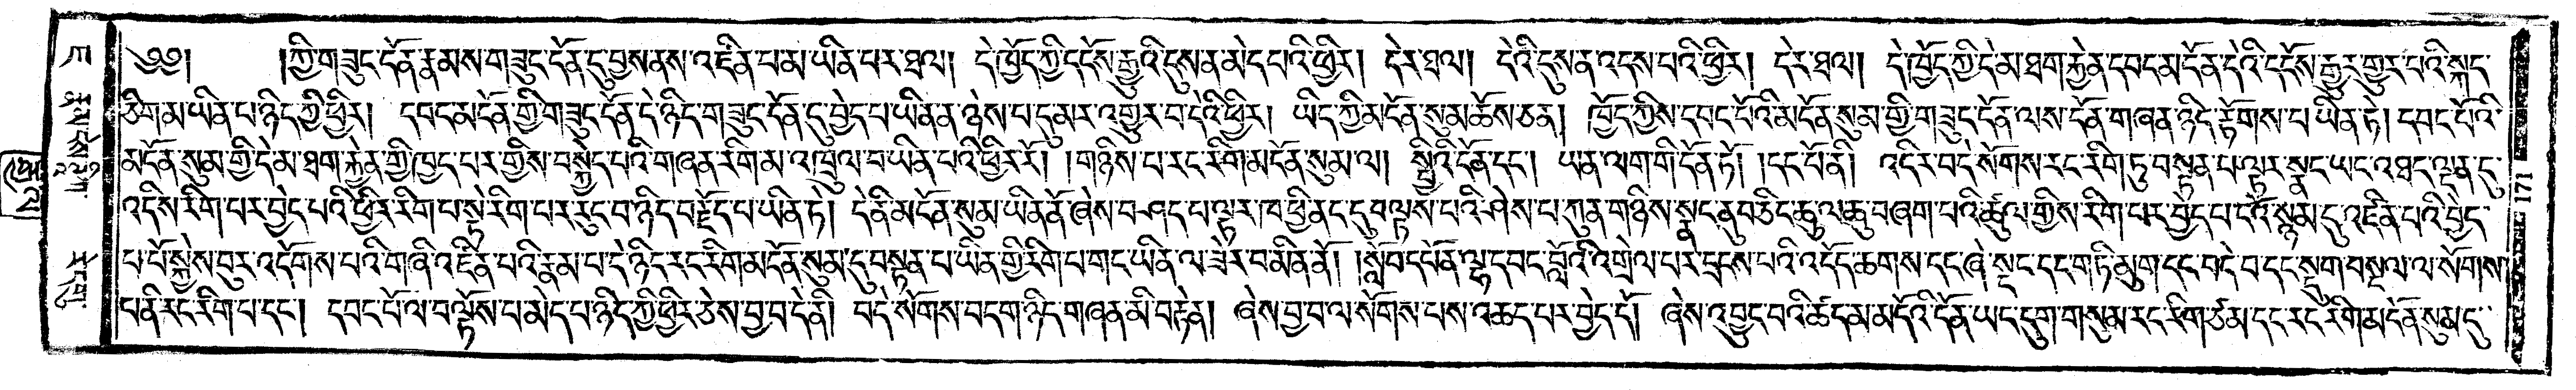༄༅། །ཀྱི་གཟུང་དོན་རྣམས་གཟུང་དོན་དུ་བྱས་ནས་འཛིན་པ་མ་ཡིན་པར་ཐལ། དེ་ཁྱོད་ཀྱི་དངོས་རྒྱུའི་དུས་ན་མེད་པའི་ཕྱིར། དེར་ཐལ། དེའི་དུས་ན་འདས་པའི་ཕྱིར། དེར་ཐལ། དེ་ཁྱོད་ཀྱི་དེ་མ་ཐག་རྐྱེན་དབང་མངོན་དེའི་དངོས་རྒྱུར་གྱུར་པའི་སྐད་
ཅིག་མ་ཡིན་པ་ཉིད་ཀྱི་ཕྱིར། དབང་མངོན་གྱི་གཟུང་དོན་དེ་ཉིད་གཟུང་དོན་དུ་བྱེད་པ་ཡིན་ན་ཉེས་པ་དུ་མར་འགྱུར་བ་དེའི་ཕྱིར། ཡིད་ཀྱི་མངོན་སུམ་ཆོས་ཅན། ཁྱོད་ཀྱིས་དབང་པོའི་མངོན་སུམ་གྱི་གཟུང་དོན་ལས་དོན་གཞན་ཉིད་རྟོགས་པ་ཡིན་ཏེ། དབང་པོའི་
མངོན་སུམ་གྱི་དེ་མ་ཐག་རྐྱེན་གྱི་ཁྱད་པར་གྱིས་བསྐྱེད་པའི་གཞན་རིག་མ་འཁྲུལ་བ་ཡིན་པའི་ཕྱིར་རོ། །གཉིས་པ་རང་རིག་མངོན་སུམ་ལ། སྤྱིའི་དོན་དང་། ཡན་ལག་གི་དོན་ཏོ། །དང་པོ་ནི། འདིར་བདེ་སོགས་རང་རིག་ཏུ་བསྟན་པ་ལྟར་སྣང་ཡང་འཐད་ལྡན་དུ་
འདིས་རིག་པར་བྱེད་པའི་ཕྱིར་རིག་པ་སྟེ་རིག་པར་རུང་བ་ཉིད་བརྗོད་པ་ཡིན་ཏེ། དེ་ནི་མངོན་སུམ་ཡིན་ནོ་ཞེས་བཤད་པ་ལྟར་ཁ་ཕྱི་ནང་དུ་བལྟས་པའི་ཤེས་པ་ཀུན་གཉིས་སྣང་ནུབ་ཅིང་ཆུ་ལ་ཆུ་བཞག་པའི་ཚུལ་གྱིས་རིག་པར་བྱེད་པ་ངའོ་སྙམ་དུ་འཛིན་པའི་བྱེད་
པ་པོ་སྐྱེས་བུར་འདོགས་པའི་གཞི་འཛིན་པའི་རྣམ་པ་དེ་ཉིད་རང་རིག་མངོན་སུམ་དུ་བསྟན་པ་ཡིན་གྱི་རིག་པ་གང་ཡིན་ལ་ཟེར་བ་མིན་ནོ། །སློབ་དཔོན་ལྷ་དབང་བློའི་འགྲེལ་པར་དྲངས་པའི་འདོད་ཆགས་དང་ཞེ་སྡང་དང་གཏི་མུག་དང་བདེ་བ་དང་སྡུག་བསྔལ་ལ་སོགས་
པ་ནི་རང་རིག་པ་དང་། དབང་པོ་ལ་བལྟོས་པ་མེད་པ་ཉིད་ཀྱི་ཕྱིར་ཅེས་བྱ་བ་དེ་ནི། བདེ་སོགས་བདག་ཉིད་གཞན་མི་བརྟེན། ཞེས་བྱ་བ་ལ་སོགས་པས་འཆད་པར་བྱེད་དོ། ཞེས་འབྱུང་བའི་ཚད་མ་མདོའི་དོན་ཡང་དུག་གསུམ་རང་རིག་ཙམ་དང་རང་རིག་མངོན་སུམ་དུ་